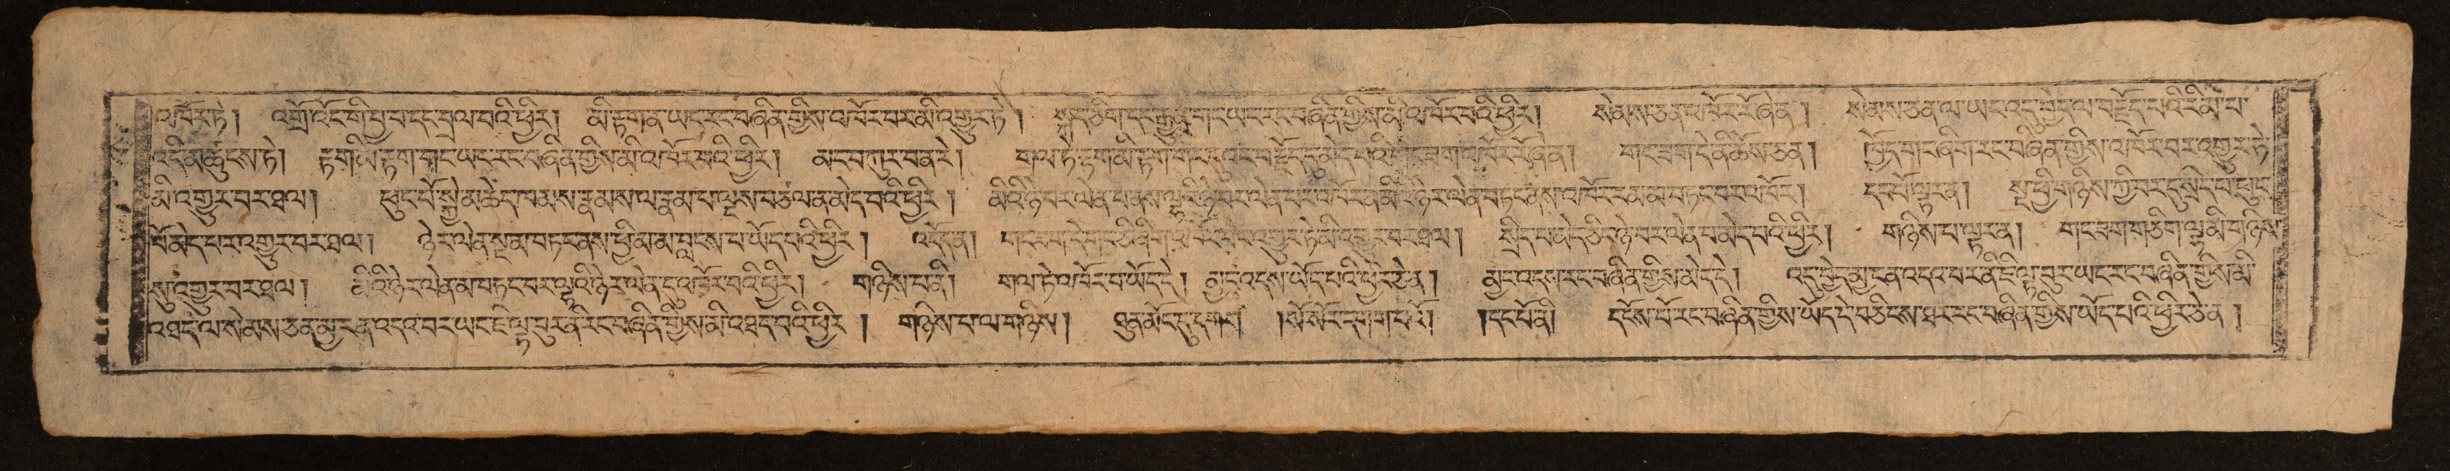འཁོར་ཏེ། འགྲོ་འོང་གི་བྱ་བ་དང་བྲལ་བའི་ཕྱིར། མི་རྟག་ན་ཡང་རང་བཞིན་གྱིས་འཁོར་བར་མི་འགྱུར་ཏེ། སྐད་ཅིག་དང་རྒྱུན་གང་ཡང་རང་བཞིན་གྱིས་མི་འཁོར་བའི་ཕྱིར། སེམས་ཅན་འཁོར་རོ་ཞེ་ན། སེམས་ཅན་ལ་ཡང་འདུ་བྱེད་ལ་བརྗོད་པའི་རིམ་པ་
འདི་མཚུངས་ཏེ། རྟག་མི་རྟག་གང་ཡང་རང་བཞིན་གྱིས་མི་འཁོར་བའི་ཕྱིར། མང་བཀུར་བ་ན་རེ། གལ་ཏེ་རྟག་མི་རྟག་གང་དུའང་བརྗོད་དུ་མེད་པའི་གང་ཟག་འཁོར་རོ་ཞེ་ན། གང་ཟག་དེ་ནི་ཆོས་ཅན། ཁྱོད་གང་ཞིག་རང་བཞིན་གྱིས་འཁོར་བར་འགྱུར་ཏེ་
མི་འགྱུར་བར་ཐལ། ཕུང་པོ་སྐྱེ་མཆེད་ཁམས་རྣམས་ལ་རྣམ་པ་ལྔས་བཙལ་ན་མེད་པའི་ཕྱིར། མིའི་ཉེ་བར་ལེན་པ་ནས་ལྷའི་ཉེ་བར་ལེན་པར་འཁོར་ན་མིའི་ཉེར་ལེན་བཏང་ནས་འཁོར་རམ་མ་བཏང་བར་འཁོར། དང་པོ་ལྟར་ན། སྔ་ཕྱི་གཉིས་ཀྱི་བར་དུ་སྲིད་པ་ཕུང་
པོ་མེད་པར་འགྱུར་བར་ཐལ། ཉེར་ལེན་སྔ་མ་བཏང་ནས་ཕྱི་མ་མ་བླངས་པ་ཡོད་པའི་ཕྱིར། འདོད་ན། གང་ཟག་དེ་གང་ཅི་ཞིག་འཁོར་བར་འགྱུར་ཏེ་མི་འགྱུར་བར་ཐལ། སྲིད་པ་མེད་ཅིང་ཉེ་བར་ལེན་པ་མེད་པའི་ཕྱིར། གཉིས་པ་ལྟར་ན། གང་ཟག་གཅིག་ལྷ་མི་གཉིས་
སུ་འགྱུར་བར་ཐལ། མིའི་ཉེར་ལེན་མ་བཏང་བར་ལྷའི་ཉེར་ལེན་དུ་འཁོར་བའི་ཕྱིར། གཉིས་པ་ནི། གལ་ཏེ་འཁོར་བ་ཡོད་དེ། མྱང་འདས་ཡོད་པའི་ཕྱིར་ཅེ་ན། མྱང་འདས་རང་བཞིན་གྱིས་མེད་དེ། འདུ་བྱེད་མྱ་ངན་འདའ་བར་ནི་ཇི་ལྟ་བུར་ཡང་རང་བཞིན་གྱིས་མི་
འཐད་ལ་སེམས་ཅན་མྱ་ངན་འདའ་བར་ཡང་ཇི་ལྟ་བུར་ནི་རང་བཞིན་གྱིས་མི་འཐད་པའི་ཕྱིར། གཉིས་པ་ལ་གཉིས། ཐུན་མོང་དུ་དགག །སོ་སོར་དགག་པའོ། །དང་པོ་ནི། དངོས་པོ་རང་བཞིན་གྱིས་ཡོད་དེ་བཅིངས་ཐར་རང་བཞིན་གྱིས་ཡོད་པའི་ཕྱིར་ཅེ་ན། །